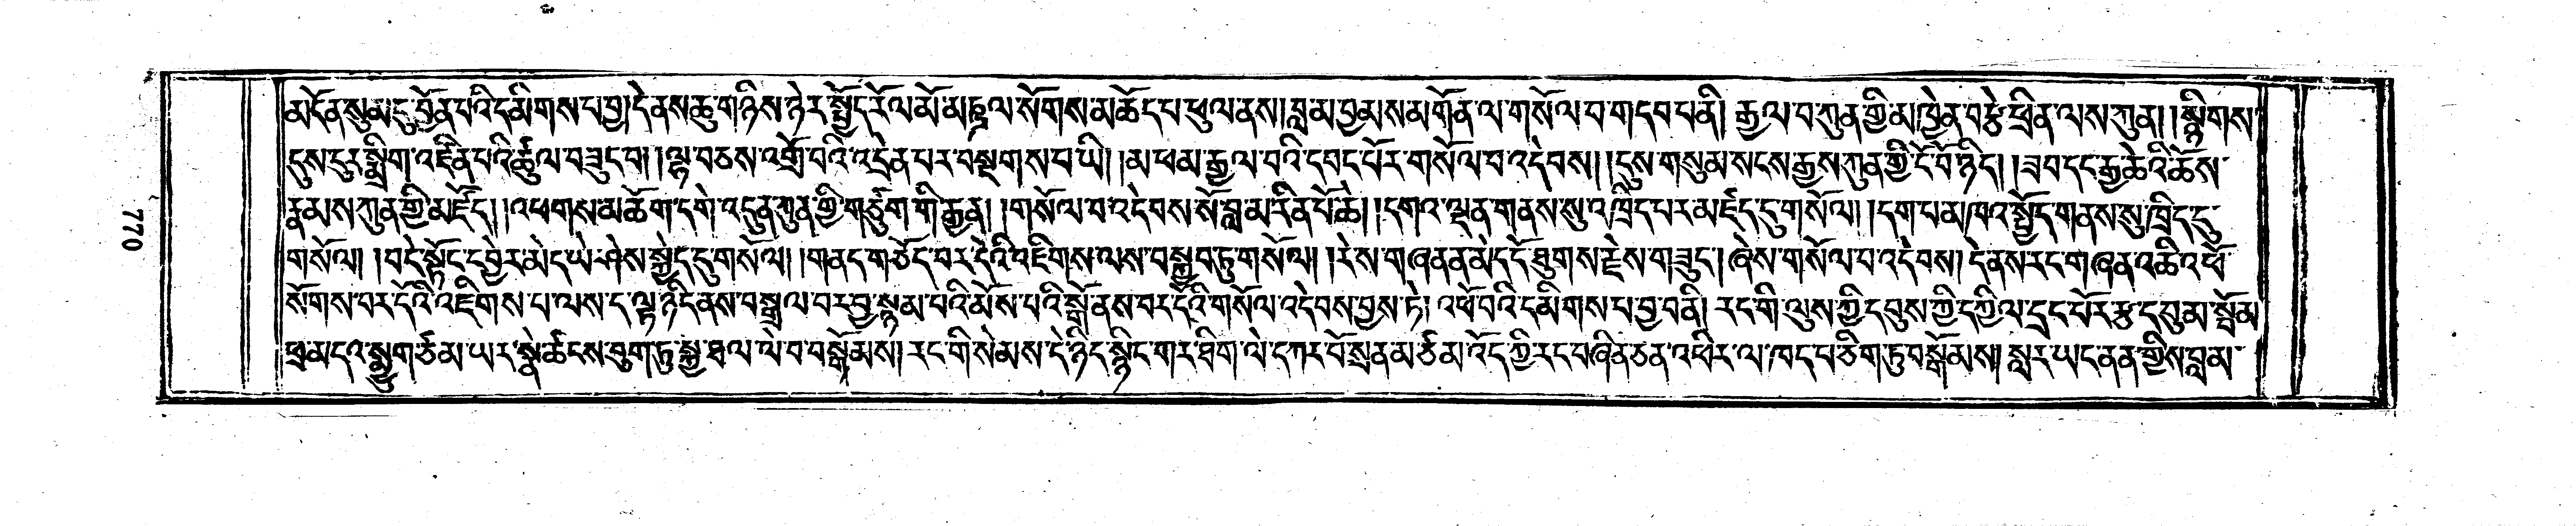མངོན་སུམ་དུ་བྱོན་པའི་དམིགས་པ་བྱ། དེ་ནས་ཆུ་གཉིས་ཉེར་སྤྱོད་རོལ་མོ་མཎྜལ་སོགས་མཆོད་པ་ཕུལ་ནས། བླ་མ་བྱམས་མགོན་ལ་གསོལ་བ་གདབ་པ་ནི། རྒྱལ་བ་ཀུན་གྱི་མཁྱེན་བརྩེ་ཕྲིན་ལས་ཀུན། །སྙིགས་
དུས་ངུར་སྨྲིག་འཛིན་པའི་ཚུལ་བཟུང་བ། །ལྷ་བཅས་འགྲོ་བའི་འདྲེན་པར་བསྔགས་པ་ཡི། །མ་ཕམ་རྒྱལ་བའི་དབང་པོར་གསོལ་བ་འདེབས། །དུས་གསུམ་སངས་རྒྱས་ཀུན་གྱི་ངོ་བོ་ཉིད། །ཟབ་དང་རྒྱ་ཆེའི་ཆོས་
རྣམས་ཀུན་གྱི་མཛོད། །འཕགས་མཆོག་དགེ་འདུན་ཀུན་གྱི་གཙུག་གི་རྒྱན། །གསོལ་བ་འདེབས་སོ་བླ་མ་རིན་པོ་ཆེ། །དགའ་ལྡན་གནས་སུ་འཁྲིད་པར་མཛད་དུ་གསོལ། །དག་པ་མཁའ་སྤྱོད་གནས་སུ་ཁྲིད་དུ་
གསོལ། །བདེ་སྟོང་དབྱེར་མེད་ཡེ་ཤེས་སྐྱེད་དུ་གསོལ། །གནད་གཅོད་བར་དོའི་འཇིགས་ལས་བསྐྱབ་ཏུ་གསོལ། །རེ་ས་གཞན་ན་མེད་དོ་ཐུགས་རྗེས་གཟུང་། ཞེས་གསོལ་བ་འདེབས། དེ་ནས་རང་གཞན་འཆི་འཕོ་
སོགས་བར་དོའི་འཇིགས་པ་ལས་ད་ལྟ་ཉིད་ནས་བསྒྲལ་བར་བྱ་སྙམ་པའི་མོས་པའི་སྒོ་ནས་བར་དོའི་གསོལ་འདེབས་བྱས་ཏེ། འཕོ་བའི་དམིགས་པ་བྱ་བ་ནི། རང་གི་ལུས་ཀྱི་དབུས་ཀྱི་དཀྱིལ་དྲང་པོར་རྩ་དབུ་མ་སྦོམ་
ཕྲ་མདའ་སྨྱུག་ཙམ་ཡར་སྣེ་ཚངས་བུག་ཏུ་སྐྱ་ཐལ་ལ་བ་བསྒོམས། རང་གི་སེམས་དེ་ཉིད་སྙིང་གར་ཐིག་ལེ་དཀར་པོ་སྲན་མ་ཙམ་འོད་ཀྱི་རང་བཞིན་ཅན་འཕིར་ལ་ཁད་གཅིག་ཏུ་བསྒོམས། སླར་ཡང་ནན་གྱིས་བླ་མ་